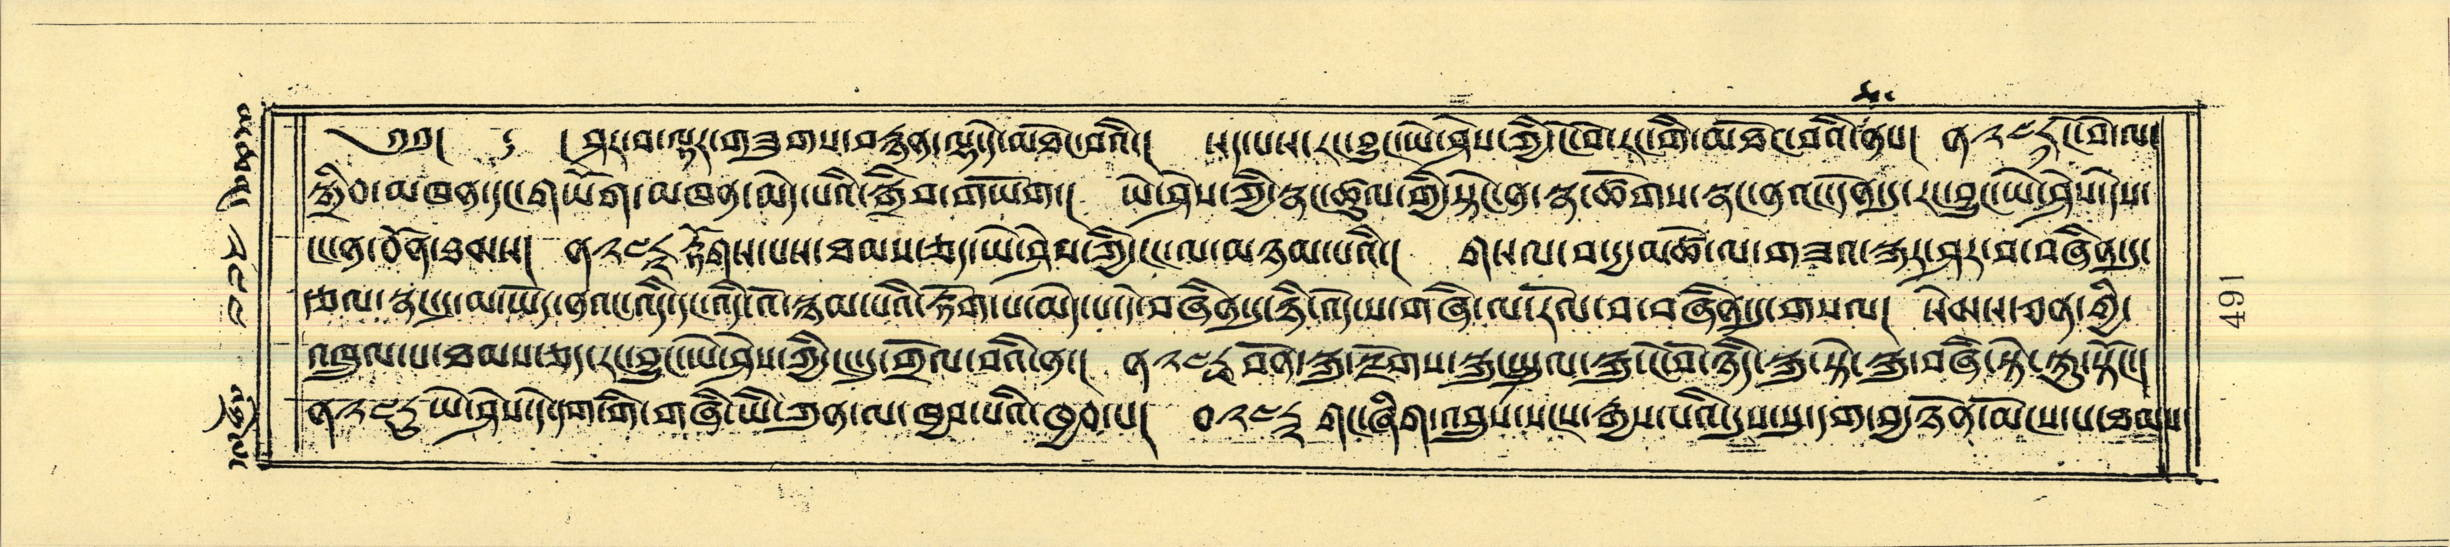ཤར་བ་ལྟར་གཟུགས་བརྙན་ལྷ་དེ་མཐོང་བའི་ སད་པསརང་བྱུང་ཡེ་ཤེས་ཀྱི་ངོ་བོ་རང་གི་མཐོང་བའི་ཆ་ནས་ ན༢༤༨།༡ངོ་བོ་ལ་
སྒྲིབ་མཁན་དང་གཡོགས་མཁན་མེད་པས་སྒྲིབ་གཡོག། ཡེ་ཤེས་ཀྱི་སྣང་ཚུལ་གྱི་སྟེང་ན་སྣ་ཚོགས་སྣང་ནའང་དོན་དུ་རང་བྱུང་ཡེ་ཤེས་དེའི་
ངང་ན་བོན་ཐམས་ ན༢༤༨།༢རྟོགས་པས་ཐམས་ཅད་ཡེ་ཤེས་ཀྱི་ངང་ལ་མཉམ་པའི་ གསལ་བ་རྒྱ་མཚོ་ལ་གཟའ་སྐར་ཤར་བ་བཞིན་དུ་
རྩལ་སྣང་དུ་མ་ཡོད་ནའང་འདི་དང་འདིའོ་སྙམ་པའི་རྟོག་པ་མེད་པ་དེ་བཞིན་དུ་ཉི་འོད་ས་གཞི་ལ་རོལ་པ་བཞིན་དུ་གསལ་ སེམས་ཅན་གྱི་
འཁྲུལ་པ་ཐམས་ཅད་རང་བྱུང་ཡེ་ཤེས་ཀྱི་ངང་དུ་གྲོལ་བས་ན་ ན༢༤༨།༥བོན་སྐུ་རྫོགས་སྐུ་སྤྲུལ་སྐུ་ངོ་བོ་ཉིད་སྐུ་སྟེ་སྐུ་བཞི་སྐུ་སྟོང་
ན༢༤༨།༦ཡེ་ཤེས་དེ་དག་གི་གཞིའི་ཀུན་ལ་ཁྱབ་པས་ཁྱབ་པ་ བ༢༤༨།༢གང་ཞིག་འབྲས་བུ་སངས་རྒྱས་པའི་དུས་སུ་དག་བྱ་ཉོན་མོངས་པ་ཐམས་